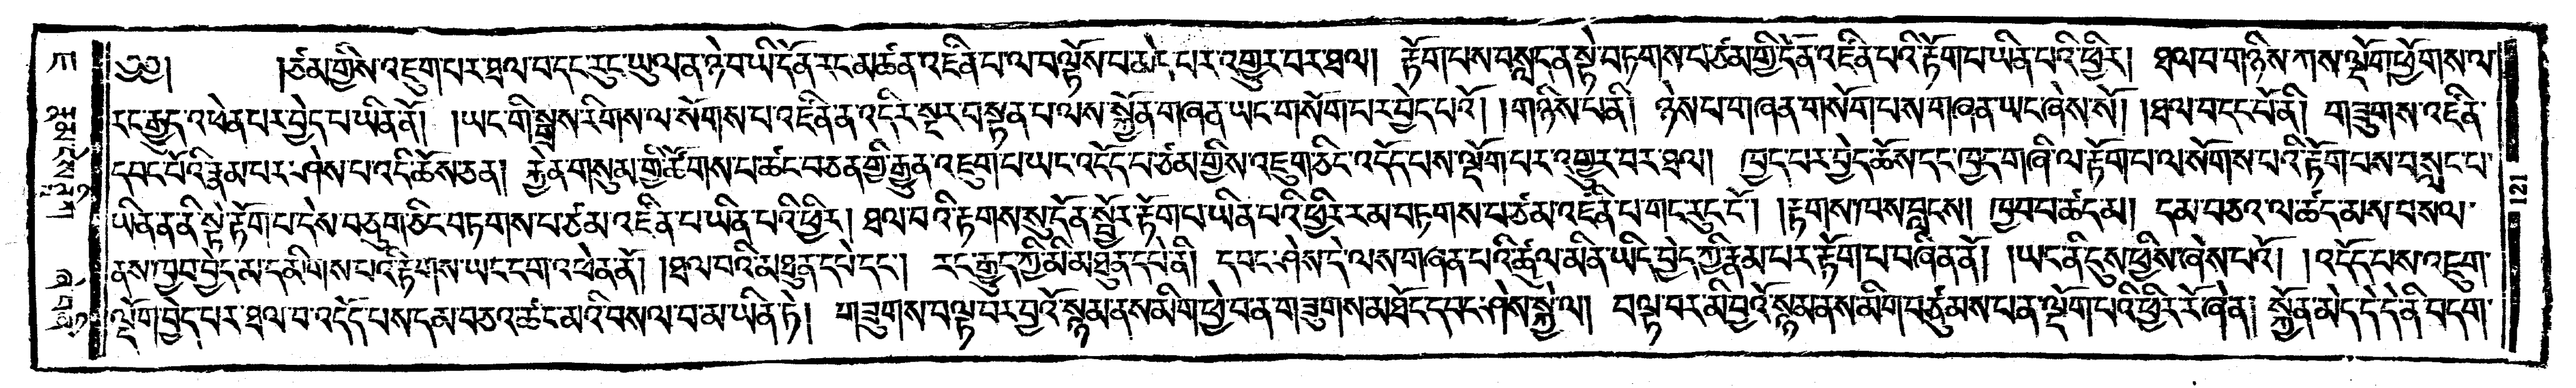༄༅། །ཙམ་གྱིས་འཇུག་པར་ཐལ་བ་དང་རུང་ཡུལ་ན་ཉེ་བ་ཡི་དོན་རང་མཚན་འཛིན་པ་ལ་བལྟོས་པ་མེད་པར་འགྱུར་བར་ཐལ། རྟོག་པས་བསླད་ན་སྟེ་བཏགས་པ་ཙམ་གྱི་དོན་འཛིན་པའི་རྟོག་པ་ཡིན་པའི་ཕྱིར། ཐལ་བ་གཉིས་ཀས་ལྡོག་ཕྱོགས་ལ་
རང་རྒྱུད་འཕེན་པར་བྱེད་པ་ཡིན་ནོ། །ཡང་གི་སྒྲས་རིགས་ལ་སོགས་པ་འཛིན་ན་འདིར་སྔར་བསྟན་པ་ལས་སྐྱོན་གཞན་ཡང་གསོག་པར་བྱེད་པའོ། །གཉིས་པ་ནི། ཉེས་པ་གཞན་གསོག་པས་གཞན་ཡང་ཞེས་སོ། །ཐལ་བ་དང་པོ་ནི། གཟུགས་འཛིན་
དབང་པོའི་རྣམ་པར་ཤེས་པ་འདི་ཆོས་ཅན། རྐྱེན་གསུམ་གྱི་ཚོགས་པ་ཚང་བ་ཅན་གྱི་རྒྱུན་འཇུག་པ་ཡང་འདོད་པ་ཙམ་གྱིས་འཇུག་ཅིང་འདོད་པས་ལྡོག་པར་འགྱུར་བར་ཐལ། ཁྱད་པར་བྱེད་ཆོས་དང་ཁྱད་གཞི་ལ་རྟོག་པ་ལ་སོགས་པའི་རྟོག་པས་བསླང་པ་
ཡིན་ན་ནི་སྟེ་རྟོག་པ་དེས་བཅུག་ཅིང་བཏགས་པ་ཙམ་འཛིན་པ་ཡིན་པའི་ཕྱིར། ཐལ་བའི་རྟགས་སུ་དོན་སྦྱོར་རྟོག་པ་ཡིན་པའི་ཕྱིར་རམ་བཏགས་པ་ཙམ་འཛིན་པ་གང་རུང་ངོ། །རྟགས་ཁས་བླངས། ཁྱབ་པ་ཚད་མ། དམ་བཅའ་ལ་ཚད་མས་བསལ་
ནས་ཁྱབ་བྱེད་མ་དམིགས་པའི་རྟགས་ཡང་དག་འཕེན་ནོ། །ཐལ་བའི་མཐུན་དཔེ་དང་། རང་རྒྱུད་ཀྱི་མི་མཐུན་དཔེ་ནི། དབང་ཤེས་དེ་ལས་གཞན་པའི་ཚུལ་མིན་ཡིད་བྱེད་ཀྱི་རྣམ་པར་རྟོག་པ་བཞིན་ནོ། །ཡང་ནི་དུས་ཕྱིས་ཞེས་པའོ། །འདོད་པས་འཇུག་
ལྡོག་བྱེད་པར་ཐལ་བ་འདོད་པས་དམ་བཅའ་ཚང་མའི་བསལ་བ་མ་ཡིན་ཏེ། གཟུགས་བལྟ་བར་བྱའོ་སྙམ་ནས་མིག་ཕྱེ་བ་ན་གཟུགས་མཐོང་དབང་ཤེས་སྐྱེ་ལ། བལྟ་བར་མི་བྱའོ་སྙམ་ནས་མིག་བཙུམས་པ་ན་ལྡོག་པའི་ཕྱིར་རོ་ཞེ་ན། སྐྱོན་མེད་དེ་དེ་ནི་བདག་